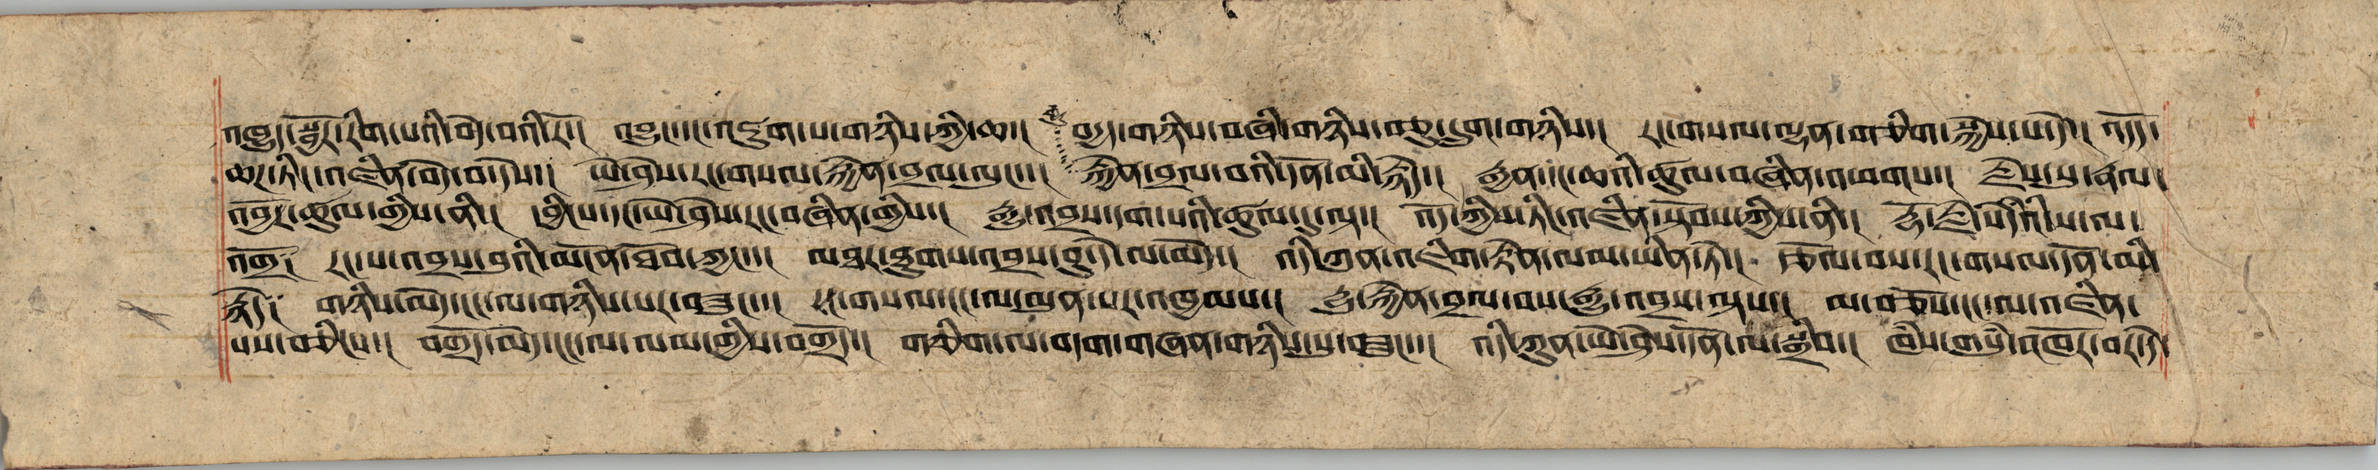འཁྱུད་སྦྱོར་རིག་པའི་བདེ་བའི་རོ་། འབྱུང་དང་འཇུག་པ་གཉིས་ཀྱི་ཆ་། བདྱད་གཉིས་བཞི་གཉིས་བཅུ་དྲུག་གཉིས་། རང་གསལ་ལྷན་གཅིག་སྐྱེས་པ་དེ་། འདོད་
ཆཌ་ཏིང་འཛིན་བདེ་བ་དེས་། ཡེ་ཤེས་རང་གསལ་རྐྱེན་བྲལ་ལུང་། རྐྱེན་བྲལ་བའི་དོན་མི་རྙེད་། རྒྱན་དང་ཆའི་ཚུལ་བཞིན་འཕགས་། རྗེས་སུ་རྣལ་
འབྱོར་ཚུལ་གྱིས་ནི་། དབྱིངས་དང་ཡེ་ཤེས་རང་བཞིན་གྱིས་། རྒྱུ་འབྲས་དག་པའི་ཚུལ་དུ་ལྟ་། འོད་ཀྱིས་ཏིང་འཛིན་སྟོབས་ཀྱིས་ནི་། རྡོ་རྗེ་སེདཾའི་ས་ལ་
འགྲོ༑ རང་ས་འབྲས་བུའི་མངོན་ཐོབ་ཀྱང་་། མཐར་ཐུགས་འབྲས་བུ་དེ་ལ་མེད་། འདི་ཀུན་འཇིག་རྟེན་ལམ་ཡིན་ཏེ་། རྩོལ་བས་རང་གསལ་དོན་མི་
རྙེད༑ གཉིས་མེད་ངང་ལ་གཉིས་པར་བཟུང་་། རང་གསལ་ངང་ལ་མུན་པར་འཁྱམས་། དྱུ་རྐྱེན་བྲལ་བས་རྒྱུ་འབྲས་ལྟས་། མ་བཅོས་ངང་ལ་འཛིན་
པས་བཅིངས་། བགྲོད་མེད་ངང་ལ་ལམ་གྱིས་བགྲོད་། གཅིག་ལ་བདག་གཞན་གཉིས་སུ་བཟུང་་། འདི་ཀུན་ཡེ་ཤེས་དོན་ལ་སྒྲིབ་། ཁཾས་གསུཾ་འཁོར་བར་དེ་